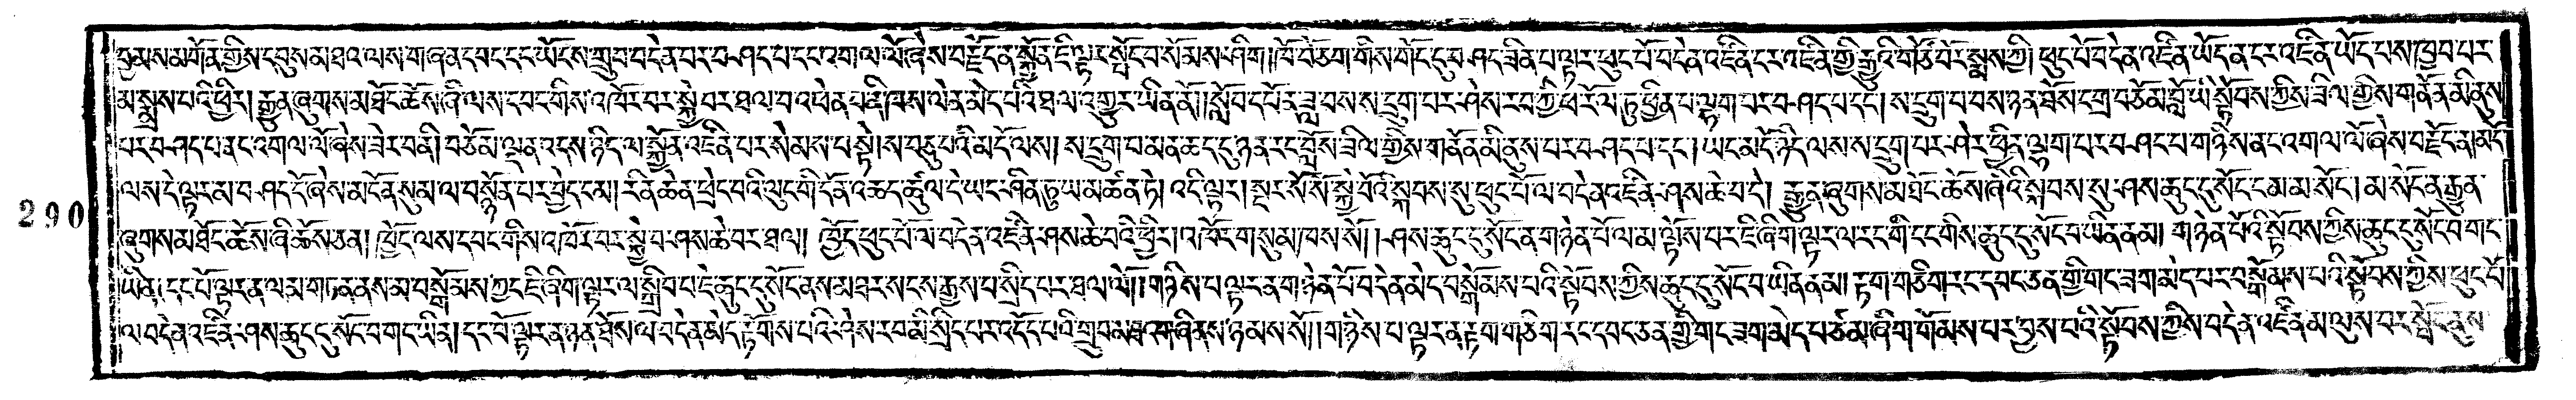བྱམས་མགོན་གྱིས་དབུས་མཐའ་ལས་གཞན་དབང་དང་ཡོངས་གྲུབ་བདེན་པར་བཤད་པ་དང་འགལ་ལོ་ཞེས་བརྗོད་ན་སྐྱོན་ཇི་ལྟར་སྤོང་བ་སོམས་ཤིག །ཁོ་བོ་ཅག་གིས་གོང་དུ་བཤད་ཟིན་པ་ལྟར་ཕུང་པོ་བདེན་འཛིན་ངར་འཛིན་གྱི་རྒྱུའི་གཙོ་བོར་སྨྲས་ཀྱི། ཕུང་པོ་བདེན་འཛིན་ཡོད་ན་ངར་འཛིན་ཡོད་པས་ཁྱབ་པར་
མ་སྨྲས་པའི་ཕྱིར། རྒྱུན་ཞུགས་མཐོང་ཆོས་ཞི་ལས་དབང་གིས་འཁོར་བར་སྐྱེ་བར་ཐལ་བ་འཕེན་པ་ནི་ཁས་ལེན་མེད་པའི་ཐལ་འགྱུར་ཡིན་ནོ། །སློབ་དཔོན་ཟླ་བས་ས་དྲུག་པར་ཤེས་རབ་ཀྱི་ཕ་རོལ་ཏུ་ཕྱིན་པ་ལྷག་པར་བཤད་པ་དང་། ས་དྲུག་པ་བས་ཉན་ཐོས་དགྲ་བཅོམ་བློ་ཡི་སྟོབས་ཀྱིས་ཟིལ་གྱིས་གནོན་མི་ནུས་
པར་བཤད་པ་རང་འགལ་ལོ་ཞེས་ཟེར་བ་ནི། བཅོམ་ལྡན་འདས་ཉིད་ལ་སྒྱོན་འཛིན་པར་སེམས་པ་སྟེ། ས་བཅུ་པའི་མདོ་ལས། ས་དྲུག་པ་མན་ཆད་དུ་ཉན་རང་བློས་ཟིལ་གྱིས་གནོན་མི་ནུས་པར་བཤད་པ་དང་། ཡང་མདོ་ཉིད་ལས་ས་དྲུག་པར་ཤེར་ཕྱིན་ལྷག་པར་བཤད་པ་གཉིས་ནང་འགལ་ལོ་ཞེས་བརྗོད་ན། མདོ་
ལས་དེ་ལྟར་མ་བཤད་དོ་ཞེས་མངོན་སུམ་ལ་བསྙོན་པར་བྱེད་དམ། རིན་ཆེན་ཕྲེང་བའི་ལུང་གི་དོན་འཆད་ཚུལ་དེ་ཡང་ཤིན་ཏུ་ཡ་མཚན་ཏེ། འདི་ལྟར། སྔར་སོ་སོ་སྐྱེ་བོའི་སྐབས་སུ་ཕུང་པོ་ལ་བདེན་འཛིན་ཤས་ཆེ་བ་དེ། རྒྱུན་ཞུགས་མཐོང་ཆོས་ཞིའི་སྐབས་སུ་ཤས་ཆུང་དུ་སོང་ངམ་མ་སོང་། མ་སོང་ན་རྒྱུན་
ཞུགས་མཐོང་ཆོས་ཞི་ཆོས་ཅན། ཁྱོད་ལས་དབང་གིས་འཁོར་བར་སྐྱེ་བ་ཤས་ཆེ་བར་ཐལ། ཁྱོད་ཕུང་པོ་ལ་བདེན་འཛིན་ཤས་ཆེ་བའི་ཕྱིར། འཁོར་གསུམ་ཁས་སོ། །ཤས་ཆུང་དུ་སོང་ན་གཉེན་པོ་ལ་མ་ལྟོས་བར་ཇི་ཞིག་ལྟར་ལ་རང་གི་དང་གིས་ཆུང་དུ་སོང་བ་ཡིན་ནམ། གཉེན་པོའི་སྟོབས་ཀྱིས་ཆུང་དུ་སོང་བ་གང་
ཡིན༑ དང་པོ་ལྟར་ན་ལམ་གཏན་ནས་མ་བསྒོམས་ཀྱང་ཇི་ཞིག་ལྟར་ལ་སྒྲིབ་པ་ཇེ་ཆུང་དུ་སོང་ནས་མཐར་སངས་རྒྱས་པ་སྲིད་པར་ཐལ་ལོ། །གཉིས་པ་ལྟར་ན་གཉེན་པོ་བདེན་མེད་བསྒོམས་པའི་སྟོབས་ཀྱིས་ཆུང་དུ་སོང་བ་ཡིན་ནམ། རྟག་གཅིག་རང་དབང་ཅན་གྱི་གང་ཟག་མེད་པར་བསྒོམས་པའི་སྟོབས་ཀྱིས་ཕུང་པོ་
ལ་བདེན་འཛིན་ཤས་ཆུང་དུ་སོང་བ་གང་ཡིན། དང་པོ་ལྟར་ན་ཉན་ཐོས་ལ་བདེན་མེད་རྟོགས་པའི་ཤེས་རབ་མི་སྲིད་པར་འདོད་པའི་གྲུབ་མཐའ་གཞི་ནས་ཉམས་སོ། །གཉིས་པ་ལྟར་ན་རྟག་གཅིག་རང་དབང་ཅན་གྱི་གང་ཟག་མེད་པ་ཙམ་ཞིག་གོམས་པར་བྱས་བའི་སྟོབས་ཀྱིས་བདེན་འཛིན་མ་ལུས་བར་སྤོང་ནུས་